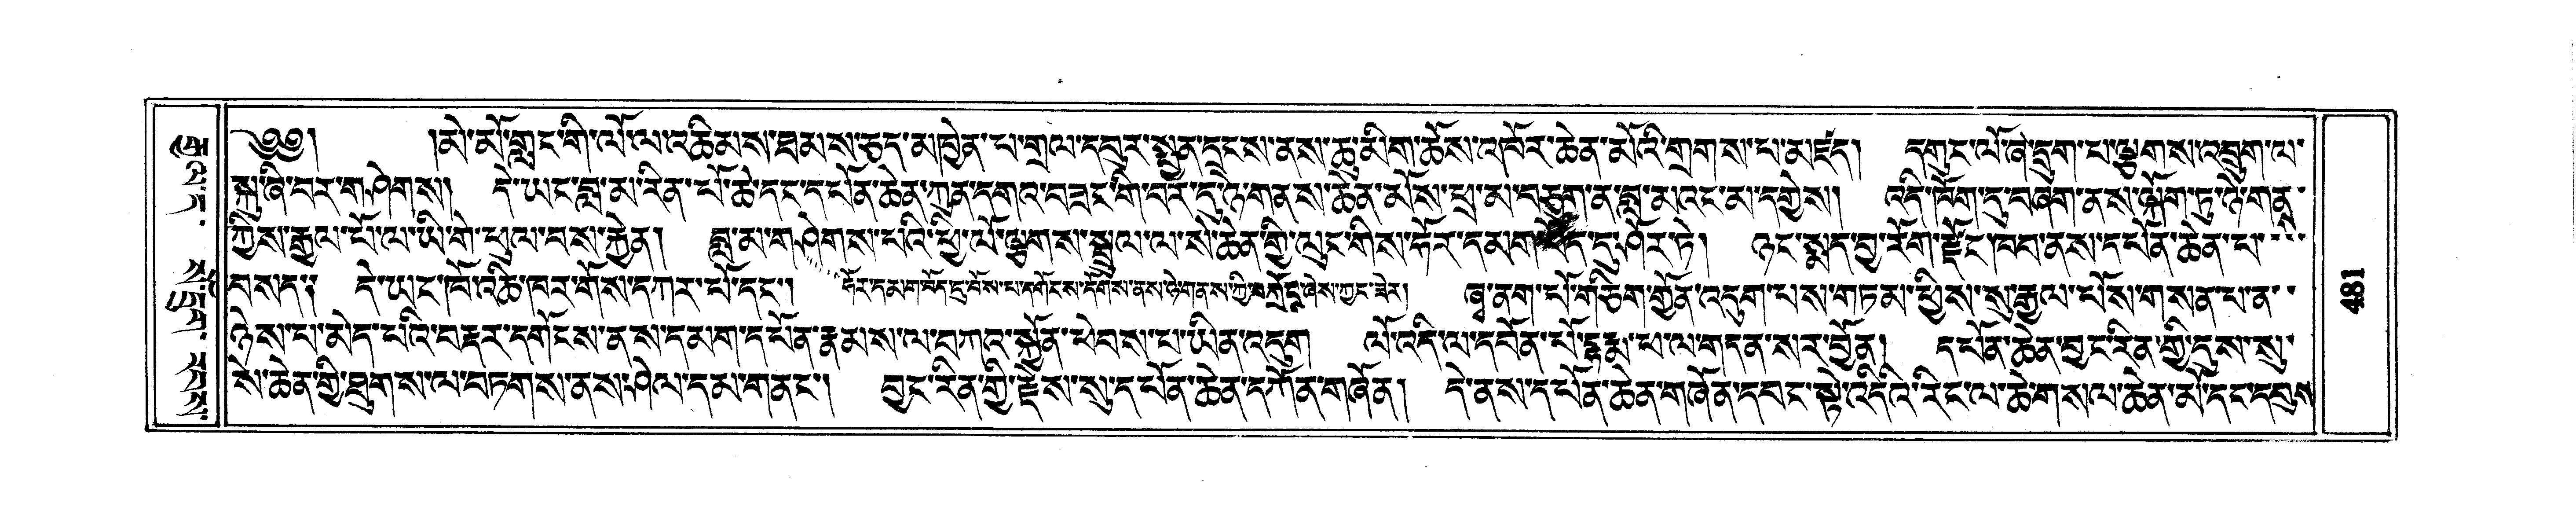༄༅། །མེ་མོ་གླང་གི་ལོ་ལ་འཆིམས་ཐམས་ཅད་མཁྱེན་པ་གྲལ་དབུར་སྤྱན་དྲངས་ནས་ཆུ་མིག་ཆོས་འཁོར་ཆེན་མོའི་གྲགས་པ་མཛད། དགུང་ལོ་ཞེ་དྲུག་པ་ལྕགས་འབྲུག་ལ་
སྐུ་ཞི་བར་གཤེགས། དེ་ཡང་བླ་མ་རིན་པོ་ཆེ་དང་དཔོན་ཆེན་ཀུན་དགའ་བཟང་གི་བར་དུ་ཉེ་གནས་ཆེན་མོས་ཕྲ་མ་བཅུག་ན་བླ་མའང་མ་དགྱེས། འདི་ཁོག་དུ་བཞག་ནས་ལྐོག་ཏུ་ཉེ་གནས་
ཀྱིས་རྒྱལ་པོ་ལ་ཡི་གེ་ཕུལ་བས་རྐྱེན། བླ་མ་གཤེགས་པའི་ཕྱི་ལོ་ལྕགས་སྦྲུལ་ལ་སེ་ཆེན་གྱི་ལུང་གིས་ཧོར་དམག་བོད་དུ་ཤོར་ཏེ། ཉང་སྨད་བྱ་རོག་རྫོང་ཁབ་ནས་དཔོན་ཆེན་པ་
བསད༑ དེ་ཡང་ཁོ་འཆི་ཁར་གོས་དཀར་པོ་དང་། ཧོར་དམག་བོད་དུ་བོས་པ་དགོངས་དོགས་ནས་ཉེ་གནས་ཀྱི་བཀྲོངས་ཞེས་ཀྱང་ཟེར།  ཞྭ་ནག་པོ་གཅིག་གྱོན་འདུག་པས་གཏམ་ཕྱིས་སུ་རྒྱལ་པོས་གསན་པ་ན་
ཉེས་པ་མེད་པའི་བརྡར་དགོངས་ནས་དམག་དཔོན་རྣམས་ལ་བཀའ་སྐྱོན་ཕེབས་པ་ཡིན་འདུག་ལོ་འདི་ལ་དབོན་པོ་དྷརྨ་ཕ་ལ་གདན་སར་བྱོན། དཔོན་ཆེན་བྱང་རིན་གྱི་དུས་སུ་
སེ་ཆེན་གྱི་ཐུགས་ལ་བཏགས་ནས་ཤེལ་དམ་གནང་། བྱང་རིན་གྱི་རྗེས་སུ་དཔོན་ཆེན་དཀོན་གཞོན། དེ་ནས་དཔོན་ཆེན་གཞོན་དབང་སྟེ་འདིའི་རིང་ལ་ཆེ་གསལ་ཆེན་མོ་དང་དབུས་